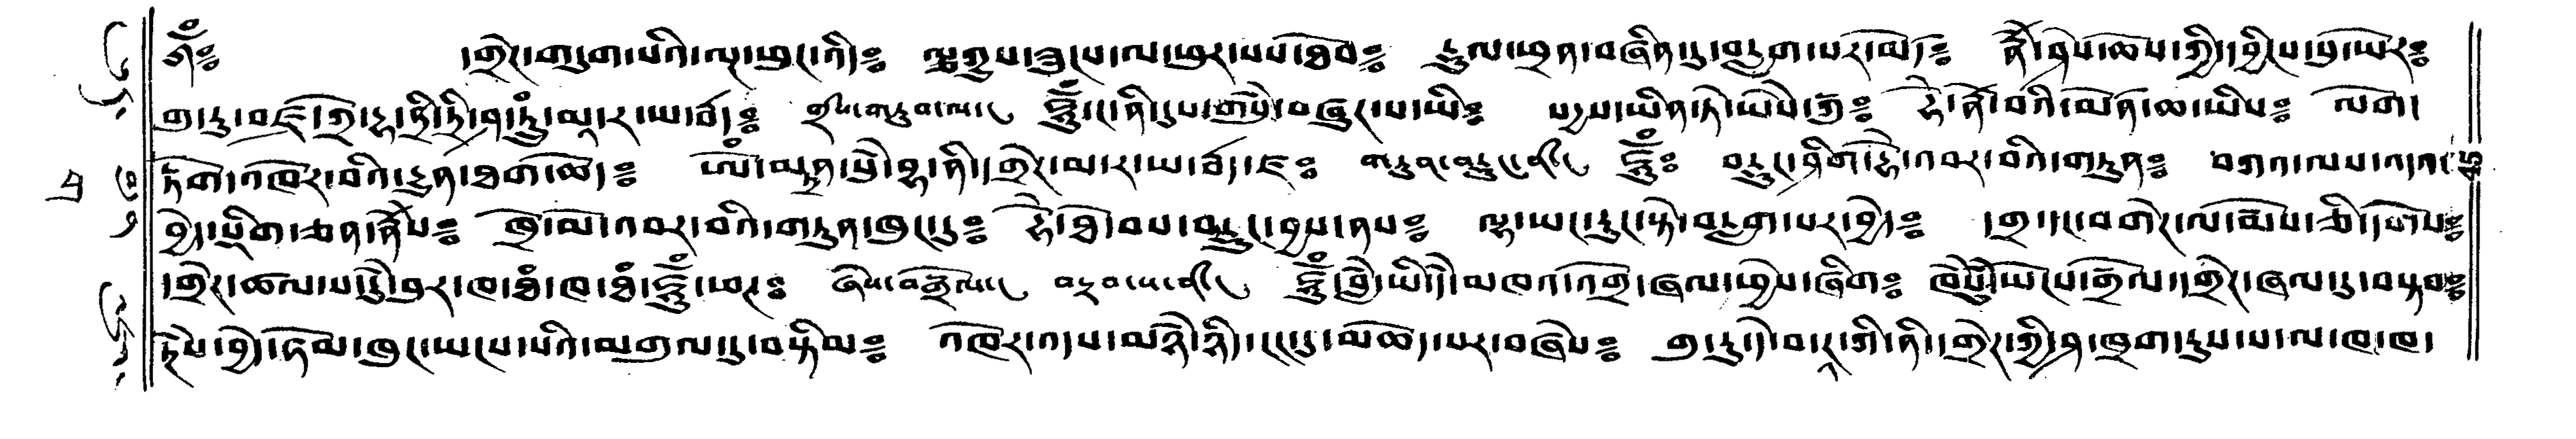དགྲ་བགེགས་གདུག་པའི་ལྔ་ཕུང་འདི༔ ལྕགས་ཀྱུས་ཟུངས་ལ་ཕུར་པས་ཐོབ༔ རྡུལ་ཕྲན་བཞིན་དུ་བརླག་པར་མཛོད༔ རྣམ་ཤེས་ཆོས་ཀྱི་དབྱིངས་སུ་སྤོར༔ 
གུ་རུ་བཛྲ་ཀྲོ་དྷ་ནྲི་ཏྲི་ཤ་ཏྲུཾ་མཱ་ར་ཡ་རྦད༔ གྲིས་གཏུབས་ལ ། ཧཱུྃ༔ང་ནི་དུས་གསུམ་བཞུགས་པ་ཡི༔ སངས་རྒྱས་ཡིན་ཏེ་ཡེ་ཤེས་སྐུ༔ རྡོ་རྗེ་རྣོ་བའི་མཚོན་ཆ་ཡིས༔ ལོག་
རྟོག་འཁོར་བའི་རྒྱུན་ཐག་ཆོད༔ ཨོཾ་མན་ཏྲ་སུམ་བྷ་ནི་དགྲ་བགེགས་མ་ར་ཡ་རྦད་ཛ༔ གཏུན་བརྡུང་ནི། ཧཱུྃ༔ རྡུངས་ཤིག་རྡོ་རྗེ་འབར་བའི་གཏུན༔ བཀའ་ལས་འདའ་
བྱེད་སྡིག་ཅན་རྣམས༔ ཁྲོ་མོ་འབར་བའི་གཏུན་ཁུང་དུ༔ རྡོ་རྗེ་ཐོ་བས་རྡུང་བྱས་ནས༔ ལྷ་ཡང་རུང་སྟེ་བརླག་པར་བྱེད༔ དགྲ་དང་བགེགས་ལ་སྨོས་ཅི་དགོས༔ 
དགྲ་བགེགས་ཚལ་པ་དུམ་བུར་ཁ་ཐཾ་ཁ་ཐཾ་ཧཱུྃ་ཕཊ༔ ཞེས་སྒྲོལ། སྟོབ་པ་ནི། ཧཱུྃ༔བླ་མ་ཡི་དམ་མཁའ་འགྲོ་ཞལ་ཕྱེས་ཞིག༔ ཁམས་གསུམ་ཡོངས་སྒྲོལ་དགྲ་བགེགས་ཞལ་དུ་བསྟབ༔ 
རྔམ་བྱེད་ཧོམ་ཁུང་ཡངས་པའི་མགུལ་དུ་བསྟིམ༔ འཁོར་འདས་མཉམ་ཉིད་ངང་དུ་མཆོད་པར་བཞེས༔ གུ་རུ་དེ་བ་ཌཱ་ཀི་ནི་དགྲ་བགེགས་ཀྱི་ཤ་ཁྲག་རུས་པ་ལ་ཁ་ཁ་